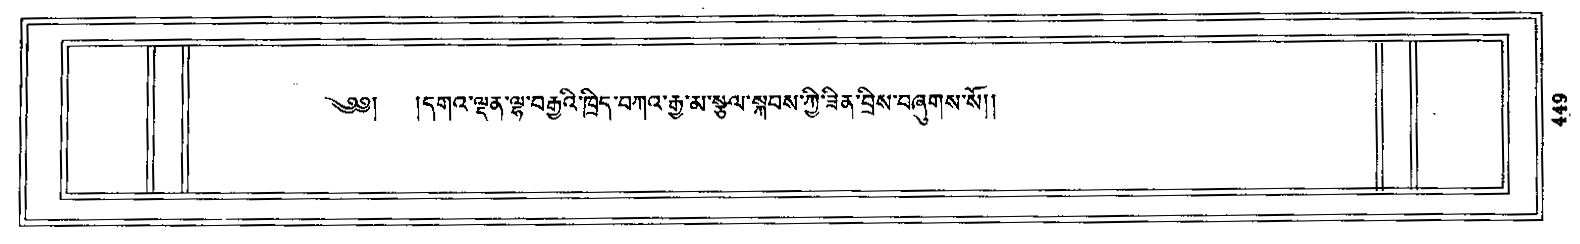༄༅། །དགའ་ལྡན་ལྷ་བརྒྱའི་ཁྲིད་བཀའ་རྒྱ་མ་སྩལ་སྐབས་ཀྱི་ཟིན་བྲིས་བཞུགས་སོ།།